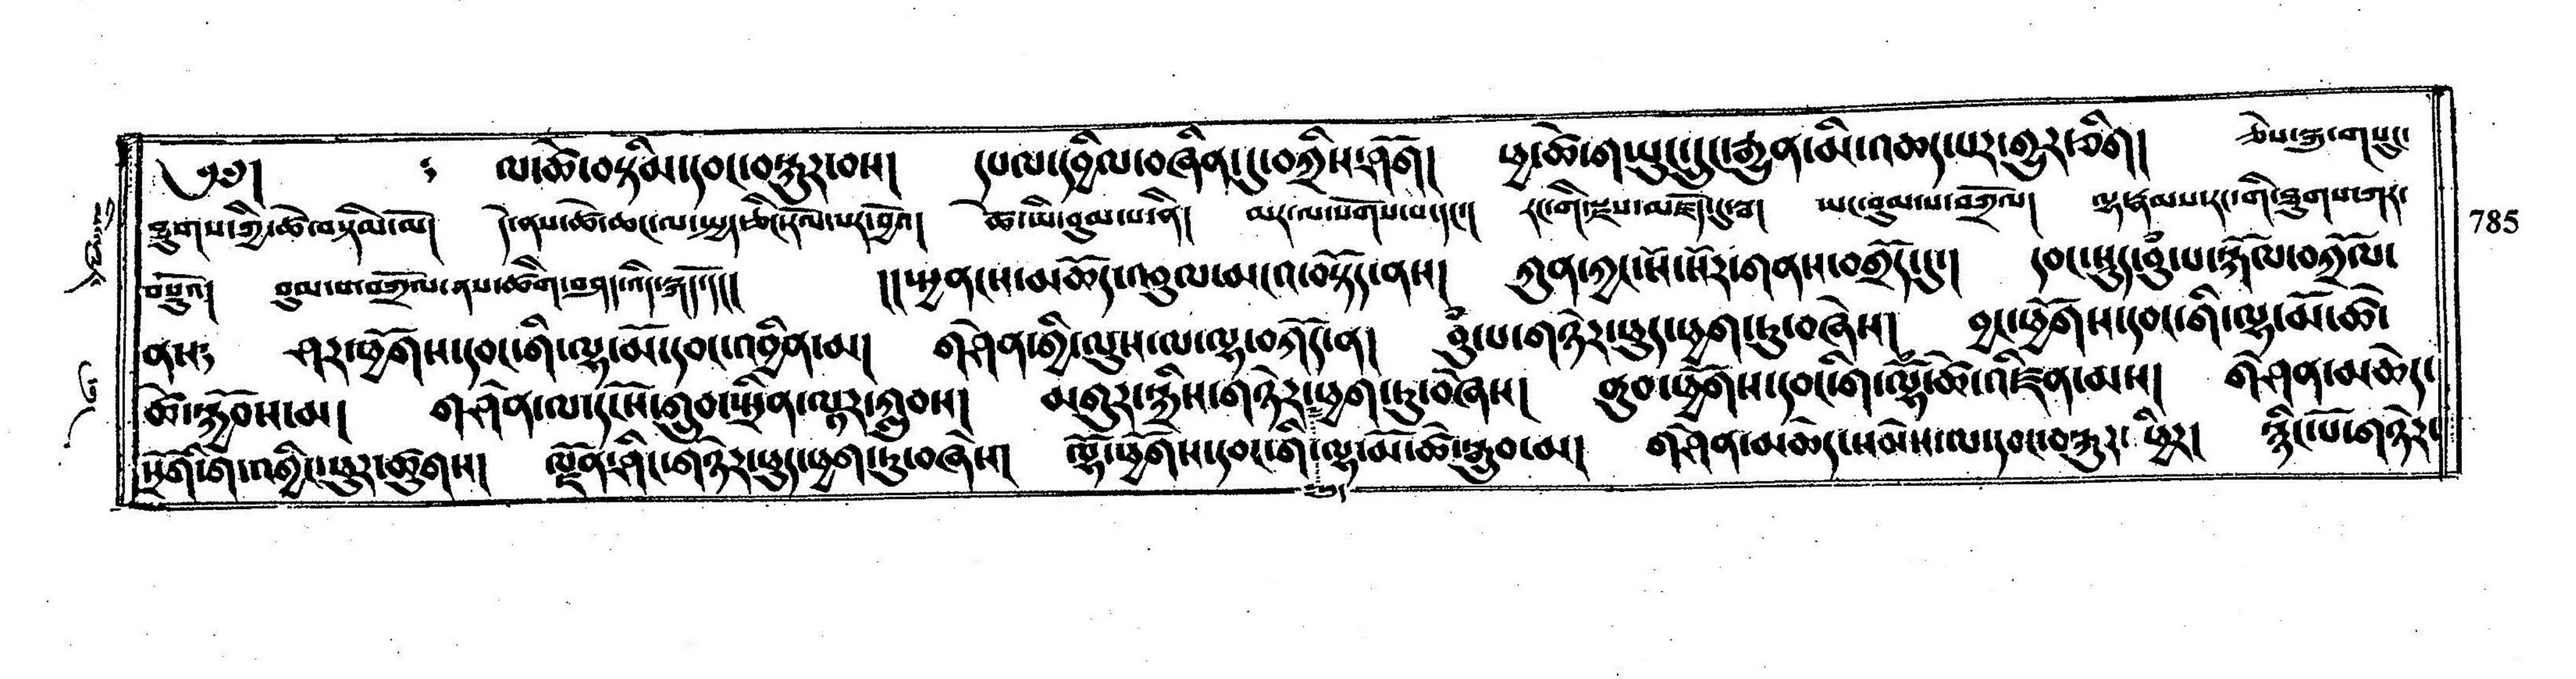ལ་ཚེ་བསྟིམ་དབང་བསྐུར་བས། དཔལ་དབྱིལ་བཞིན་དུ་བཀྲ་ཤིས་ཤོག ཕྱ་ཚེ་གཡུང་དྲུང་རྒྱུན་མི་འཆད་པར་གྱུར་ཅིག ཅེས་སྐུ་གསུང་
ཐུགས་ཀྱི་ཚེ་བསྟིམ་མོ། དེ་ནས་ཚེ་ཆང་ལ་སྤྱད་ཅིང་རོལ་པར་བྱའོ། ཚེ་ཡི་བུམ་པ་ནི། མར་ལ་སོགས་པ་དང་། རང་གི་རྫས་མཛོད་དུ་སྦ། ཡང་བུམ་པ་བཀྲོལ། ལྷ་རྣམས་རང་གི་ཐུགས་ཀར་
བསྡུའོ། བུམ་པ་བཀྲོལ་ནས་ཚིག་བཤད་འདི་སྐད་དོ།། །།སྤྱན་དྲངས་མཆོད་འབུལ་མངའ་བསྟོད་ནས། ཀུན་ཀྱང་སོ་སོར་གནས་བགྲོད་དུ། དབང་སྡུད་བུམ་པ་སྐོལ་བཀྲོལ་
ནས། ཤར་ཕྱོགས་དབང་གི་ལྷ་མོ་དབང་འབྱིན་མ། གཤེན་གྱི་ལུས་ལ་ལྷ་བཀོད་ན། བུམ་པ་གཉེར་ཕུད་ཕྱག་ཏུ་བཞེས། བྱང་ཕྱོགས་དབང་གི་ལྷ་མོ་ཚེ་
ཚེ་སྐྱོབས་མ། གཤེན་ལ་དངོས་གྲུབ་སྤྲིན་ལྟར་བཀླུབས། མགུར་སྐྲིས་གཉེར་ཕུད་ཕྱག་ཏུ་བཞེས། ནུབ་ཕྱོགས་དབང་གི་ལྷ་མོ་ཚེ་འཛིན་མས། གཤེན་མཆེད་
སྲོག་གི་འགྱིང་ཕུར་ཚུགས། ལྗོན་ཤིང་གཉེར་ཕུད་ཕྱག་ཏུ་བཞེས། ལྷོ་ཕྱོགས་དབང་གི་ལྷ་མོ་ཚེ་སྒྲུབ་མ། གཤེན་མཆེད་སེམས་ལ་དབང་བསྐུར་ཕྱིར། སྙིང་པོ་གཉེར་